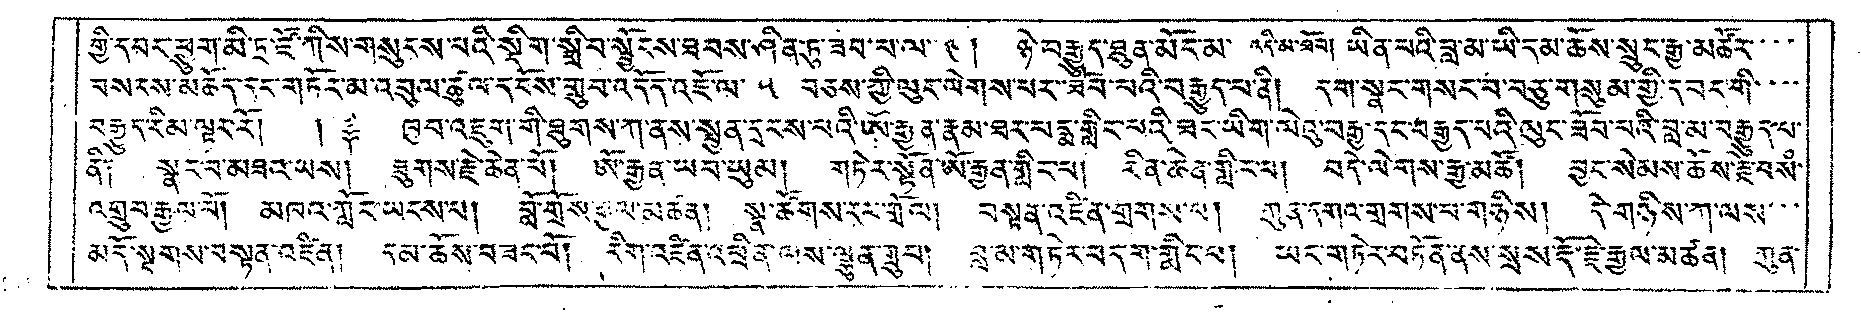གྱི་དབང་ཕྱུག་མི་ཏྲ་ཛོ་ཀིས་གསུངས་པའི་སྡིག་སྒྲིབ་སྦྱོངས་ཐབས་ཤིན་ཏུ་ཟབ་པ་ལ ༤། ཉེ་བརྒྱུད་ཐུན་མོང་མ་འདི་མ་ཐོབ།  ཡིན་པའི་བླ་མ་ཡི་དམ་ཆོས་སྲུང་རྒྱ་མཚོར་
བསངས་མཆོད་དང་གཏོར་མ་འབུལ་ཚུལ་དངོས་གྲུབ་འདོད་འཇོ་ལ ༥་བཅས་ཀྱི་ལུང་ལེགས་པར་ཐོབ་པའི་བརྒྱུད་པ་ནི། དག་སྣང་གསང་བ་བཅུ་གསུམ་གྱི་དབང་གི་
བརྒྱུད་རིམ་ལྟར་རོ། ། ༈ ཁྱབ་འཇུག་གི་ཐུགས་ཀ་ནས་སྤྱན་དྲངས་པའི་ཨོ་རྒྱན་རྣམ་ཐར་པདམ་གླིང་པའི་ཐང་ཡིག་ལེའུ་བརྒྱ་དང་བརྒྱད་པའི་ལུང་ཐོབ་པའི་བླ་མ་བརྒྱུད་པ་
ནི། སྣང་བ་མཐའ་ཡས། ཐུགས་རྗེ་ཆེན་པོ། ཨོ་རྒྱན་ཡབ་ཡུམ། གཏེར་སྟོན་ཨོ་རྒྱན་གླིང་པ། རིན་ཆེན་གླིང་པ། བདེ་ལེགས་རྒྱ་མཚོ། བྱང་སེམས་ཆོས་རྗེ་བསཾ་
འགྲུབ་རྒྱལ་པོ། མཁའ་ཀློང་ཡངས་པ། བློ་གྲོས་རྒྱལ་མཚན། སྣ་ཚོགས་རང་གྲོལ། བསྟན་འཛིན་གྲགས་པ། ཀུན་དགའ་གྲགས་པ་གཉིས། དེ་གཉིས་ཀ་ལས་
མདོ་སྔགས་བསྟན་འཛིན། དམ་ཆོས་བཟང་པོ། རིག་འཛིན་འཕྲིན་ལས་ལྷུན་གྲུབ། བླ་མ་གཏེར་བདག་གླིང་པ། ཡང་གཏེར་བཏོན་ནས་སྲས་རྡོ་རྗེ་རྒྱལ་མཚན། ཀུན་